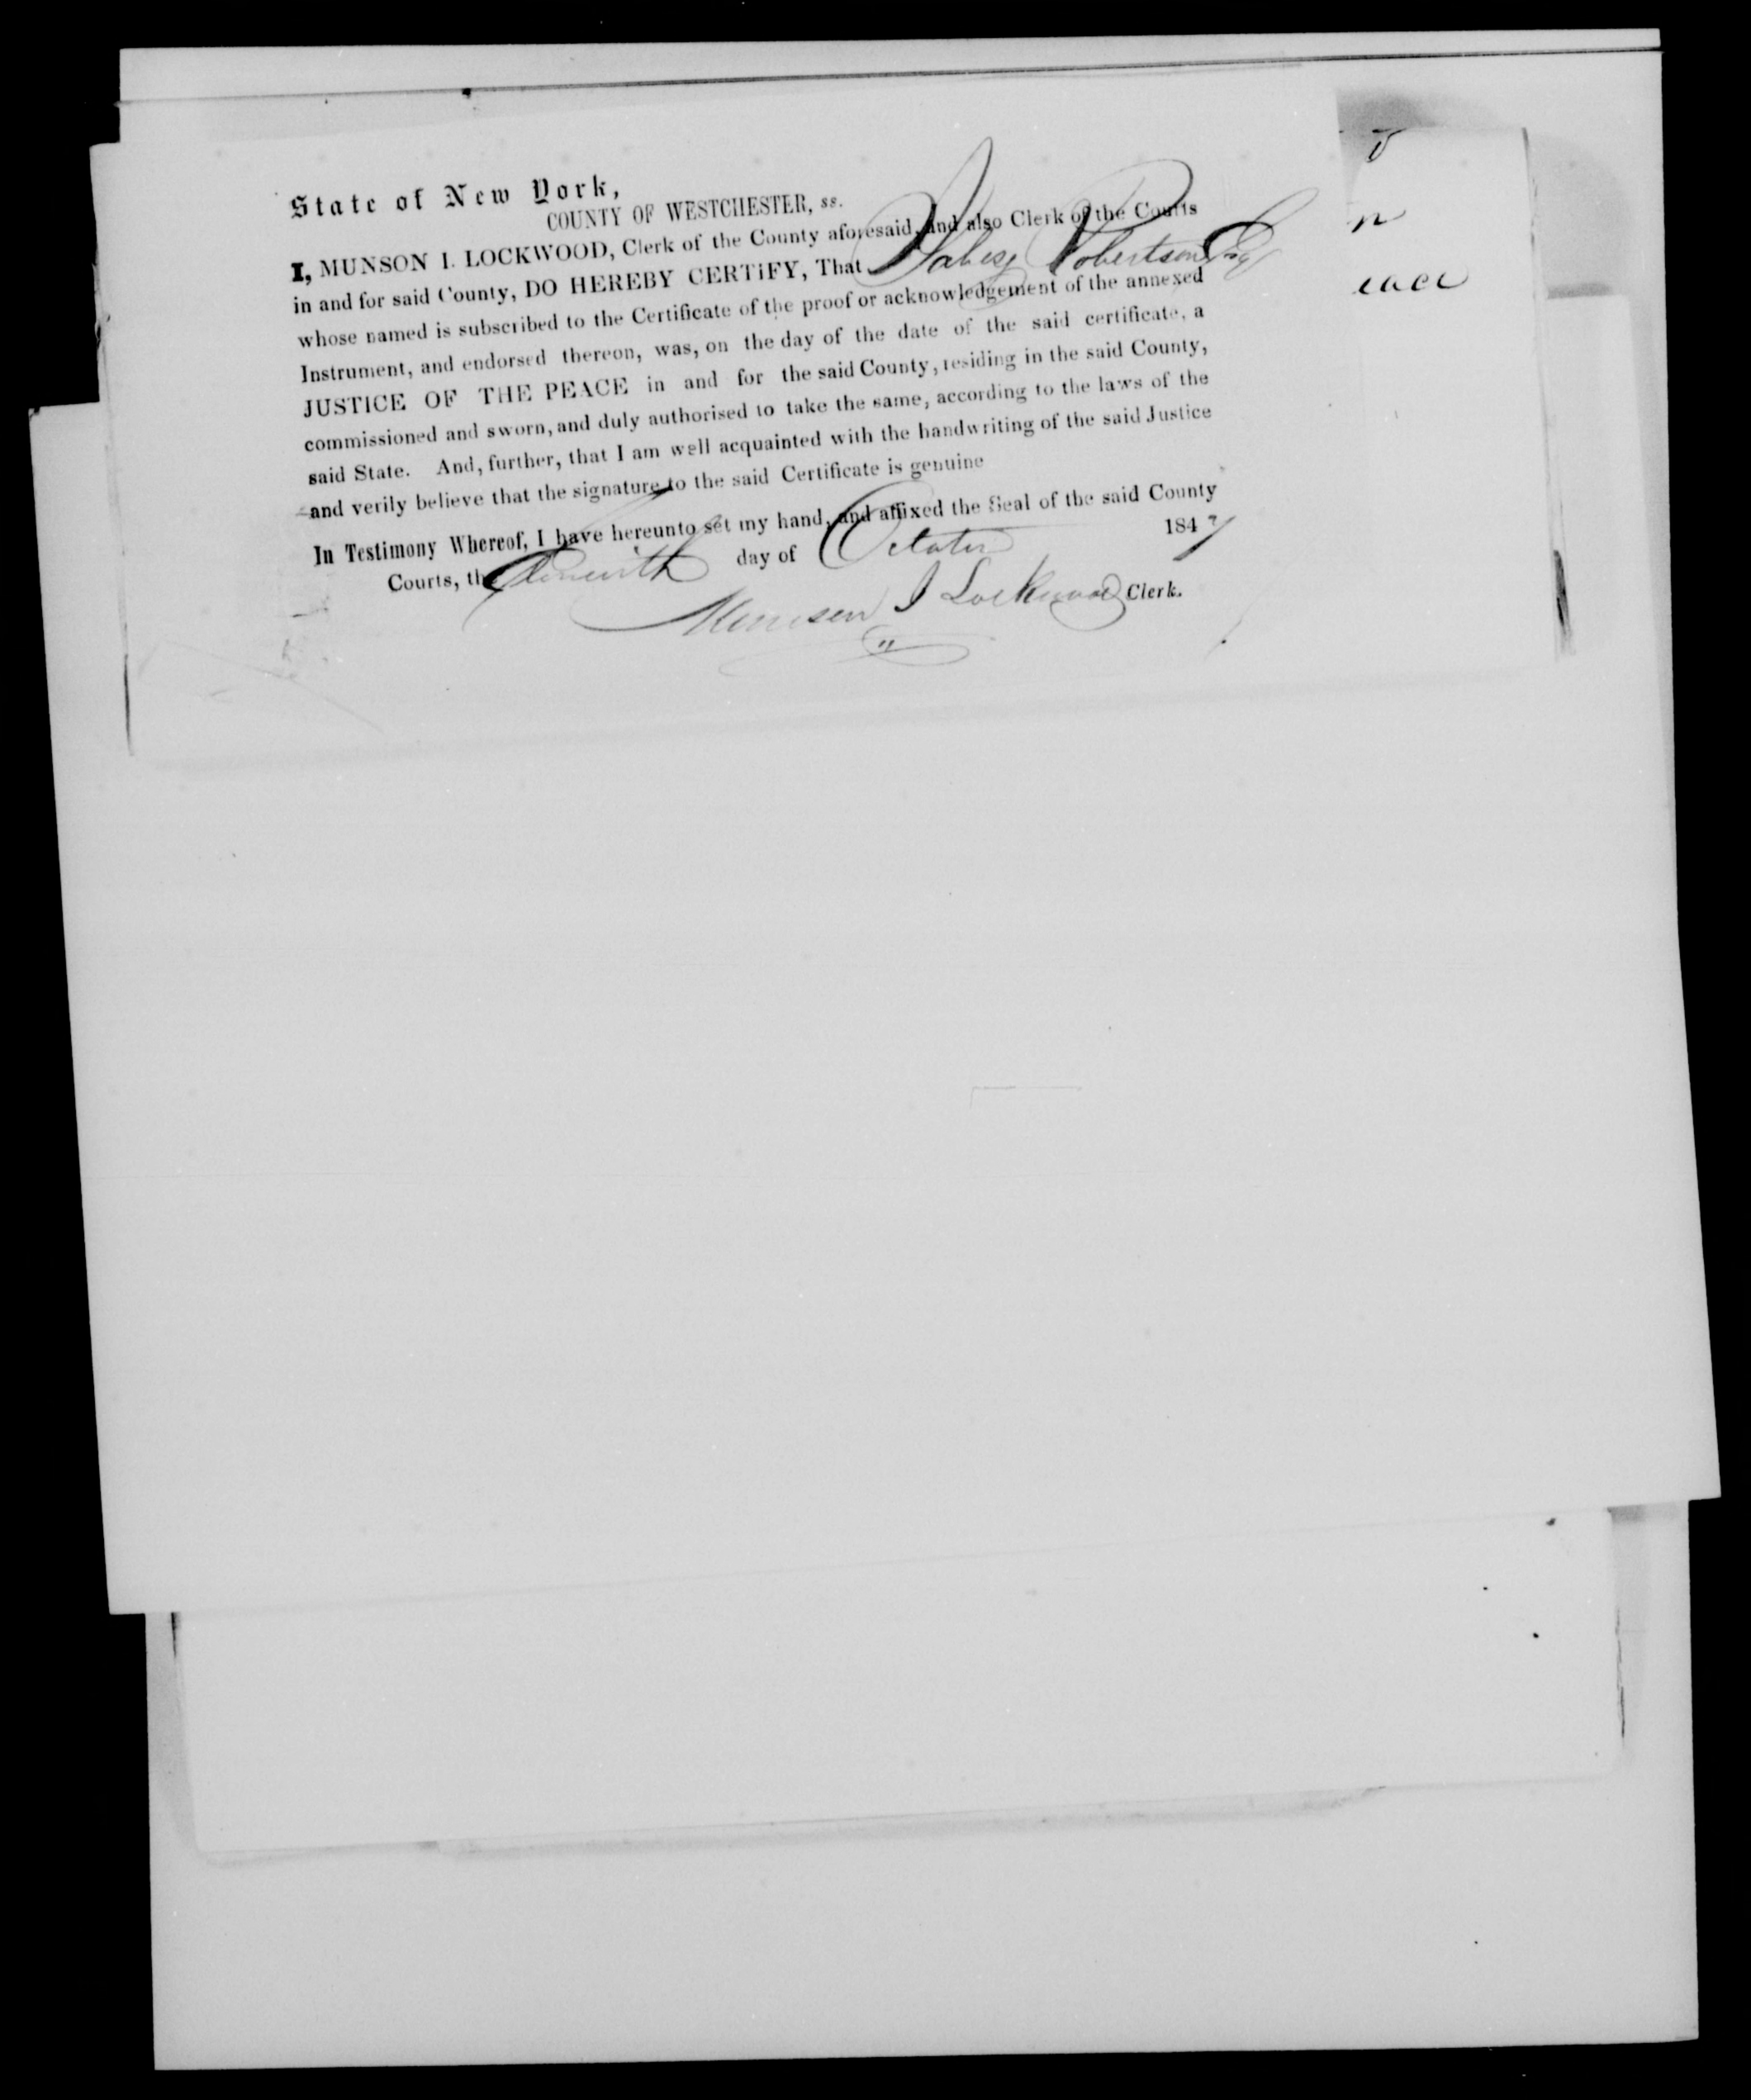State of New York, 
County of Westchester, ss.

I, MUNSON I. LOCKWOOD, Clerk of the County aforesaid, and also Clerk of the Courts in and for said County, DO HEREBY CERTIFY, That Jabez Robertson whose name is subscribed to the Certificate of the proof or acknowledgement of the annexed Instrument, and endorsed thereon, was, on the day of the date of the said certificate, a JUSTICE OF THE PEACE in and for the said County, residing in the said County, commissioned and sworn, and duly authorised to take the same, according to the laws of the said State.  And, further, that I am well acquainted with the handwriting of the said Justice and verily believe that the signature to the said Certificate is genuine.

In Testimony Whereof, I have hereunto set my hand, and affixed the Seal of the said County Courts, this [?] day of October 1847.

Munson I Lockwood, Clerk.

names: Jabez Robertson; Munson I Lockwood; Munson I Lockwood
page: 12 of 77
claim: survivor's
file: S. 23003, for Silas Southerland, New York